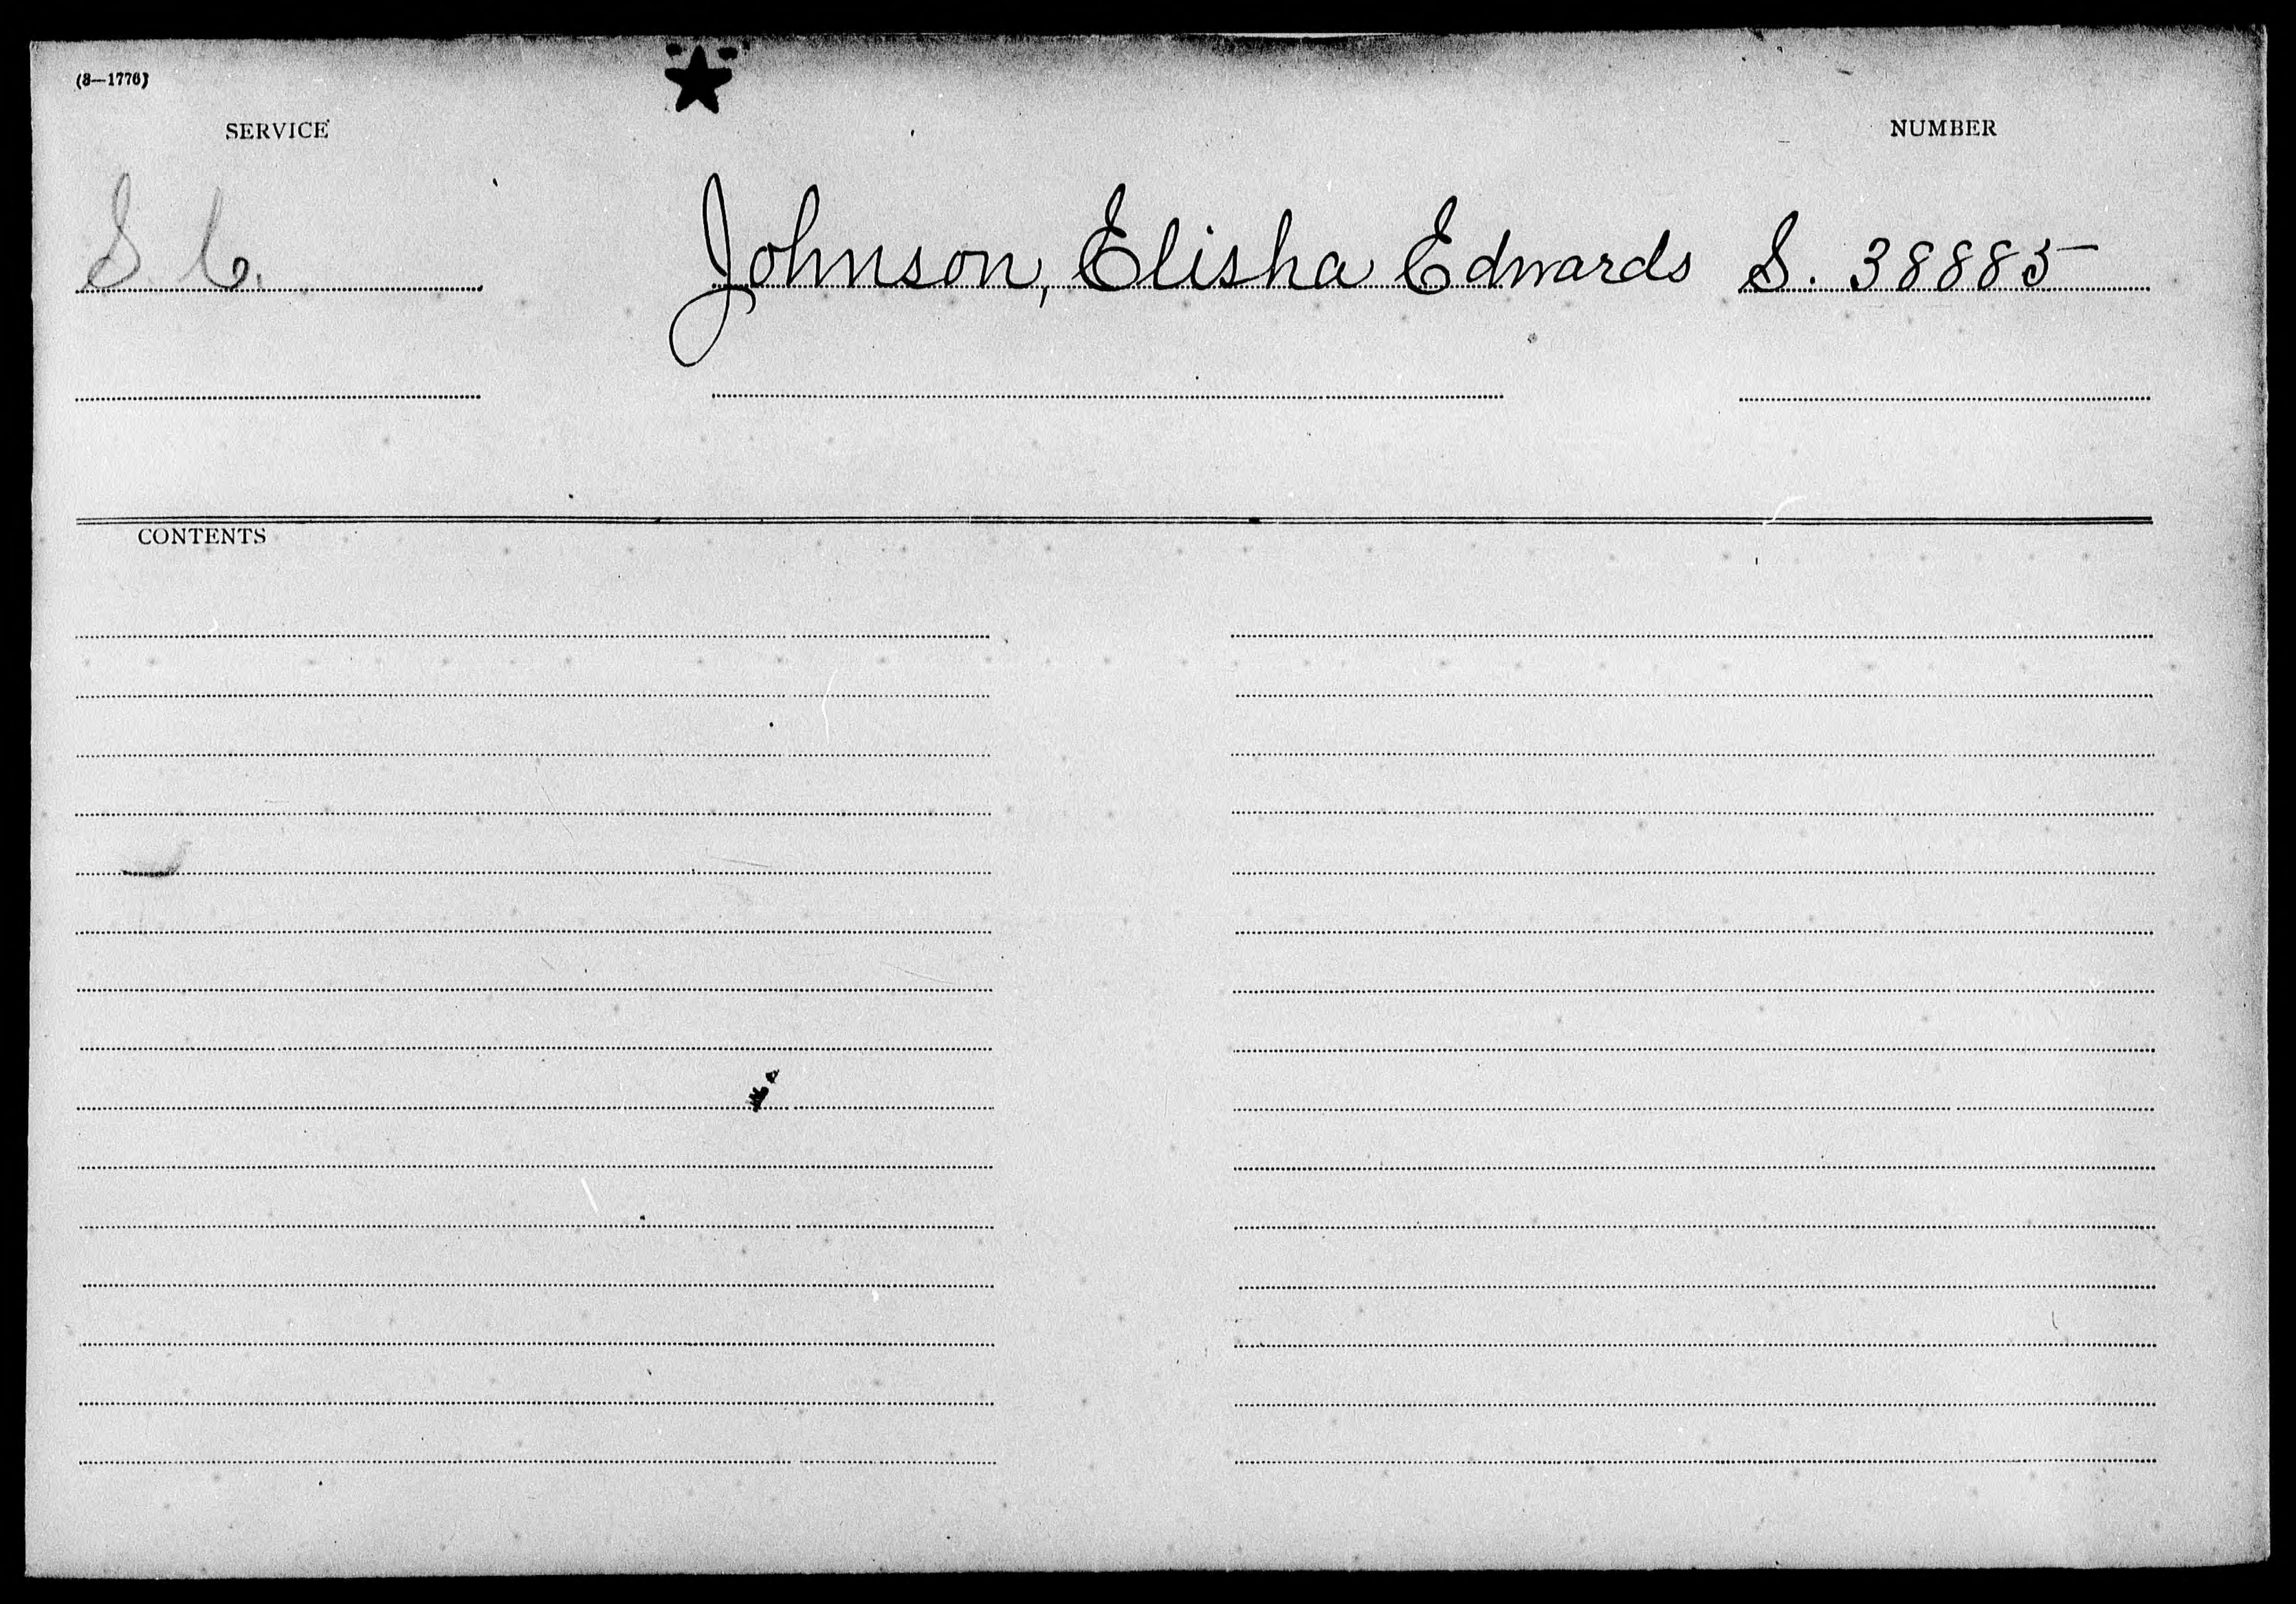(3-1776)


SERVICE
S. C.

Johnson, Elisha Edwards

NUMBER
S. 38885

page: 1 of 9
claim: survivor's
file: S. 38885, for Elisha Edwards Johnson, South Carolina